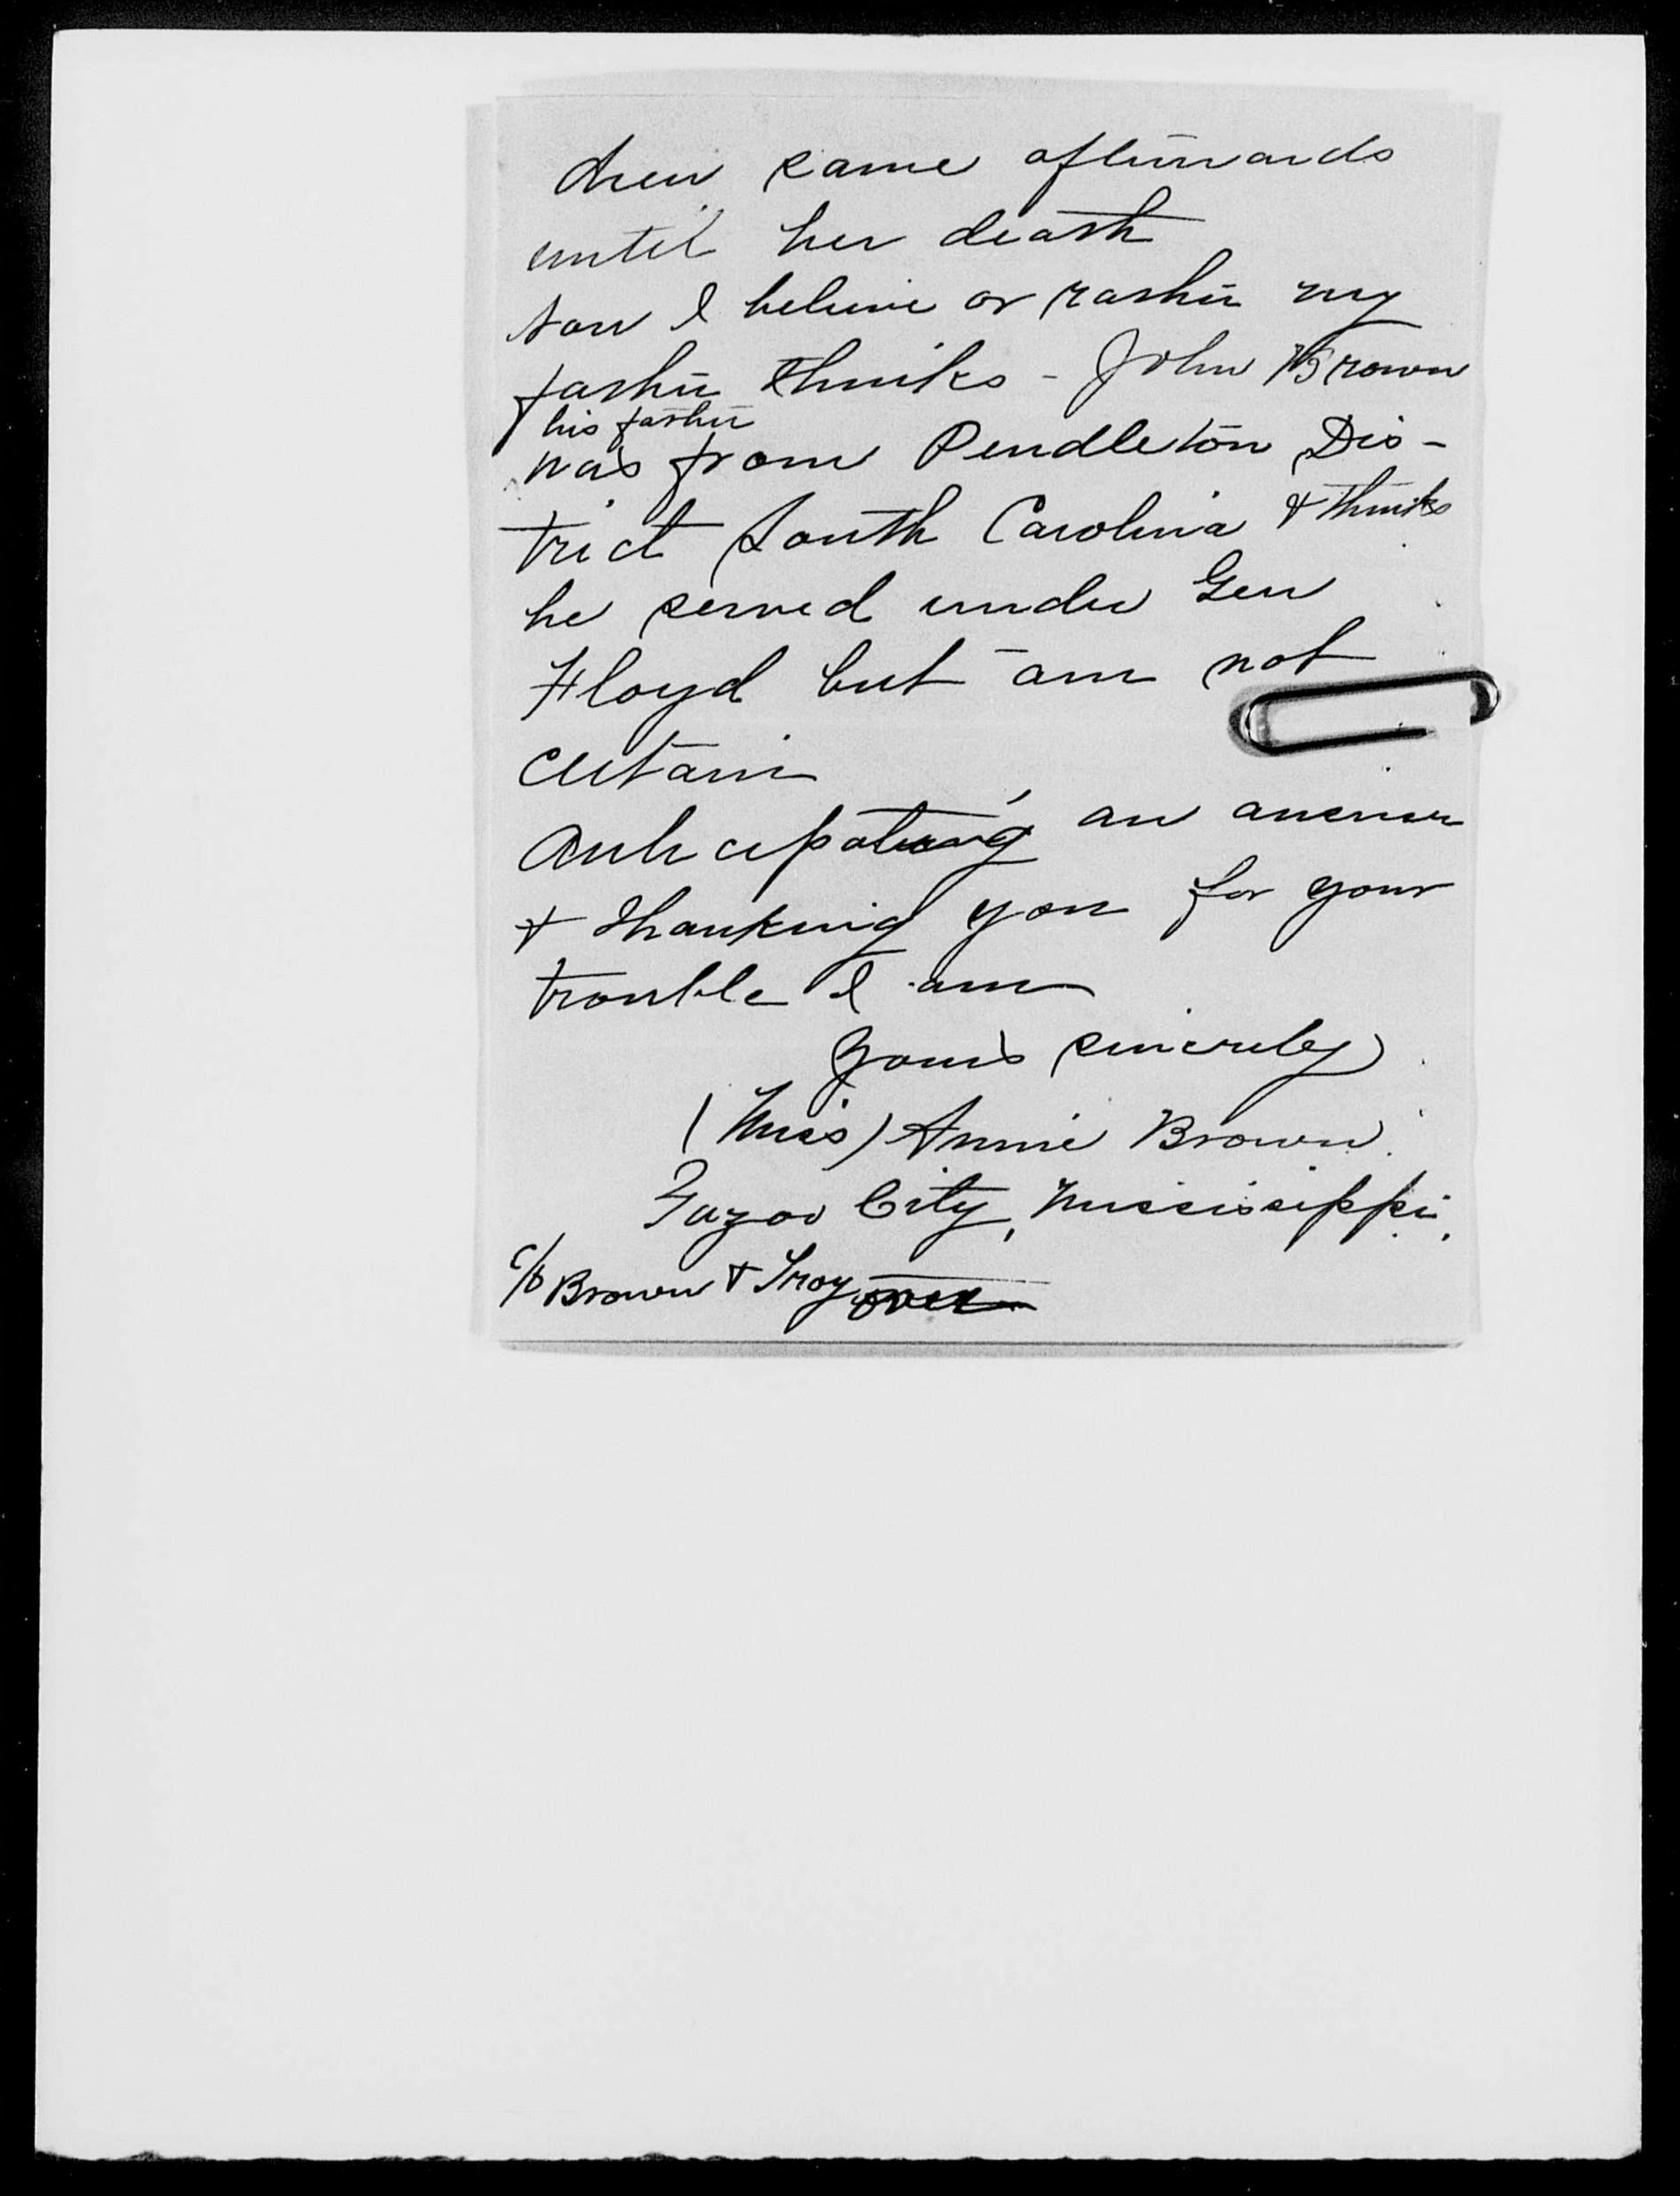drew some afterwards until
her death
Now I believe or rather my
father thinks John Brown
his father
was from Pendleton District
South Carolina
& thinks
he served under Gen Floyd but am
not certain
anticipating an answer
& Thanking you for your
trouble I am
Yours sincerely
(Miss) Annie Brown
Yazoo City, Mississippi
c/o Brown & Troy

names: Brown, John Brown, Floyd, Annie Brown, Troy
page: 57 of 85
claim: widow's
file: W. 5,906, John Brown, S.C.